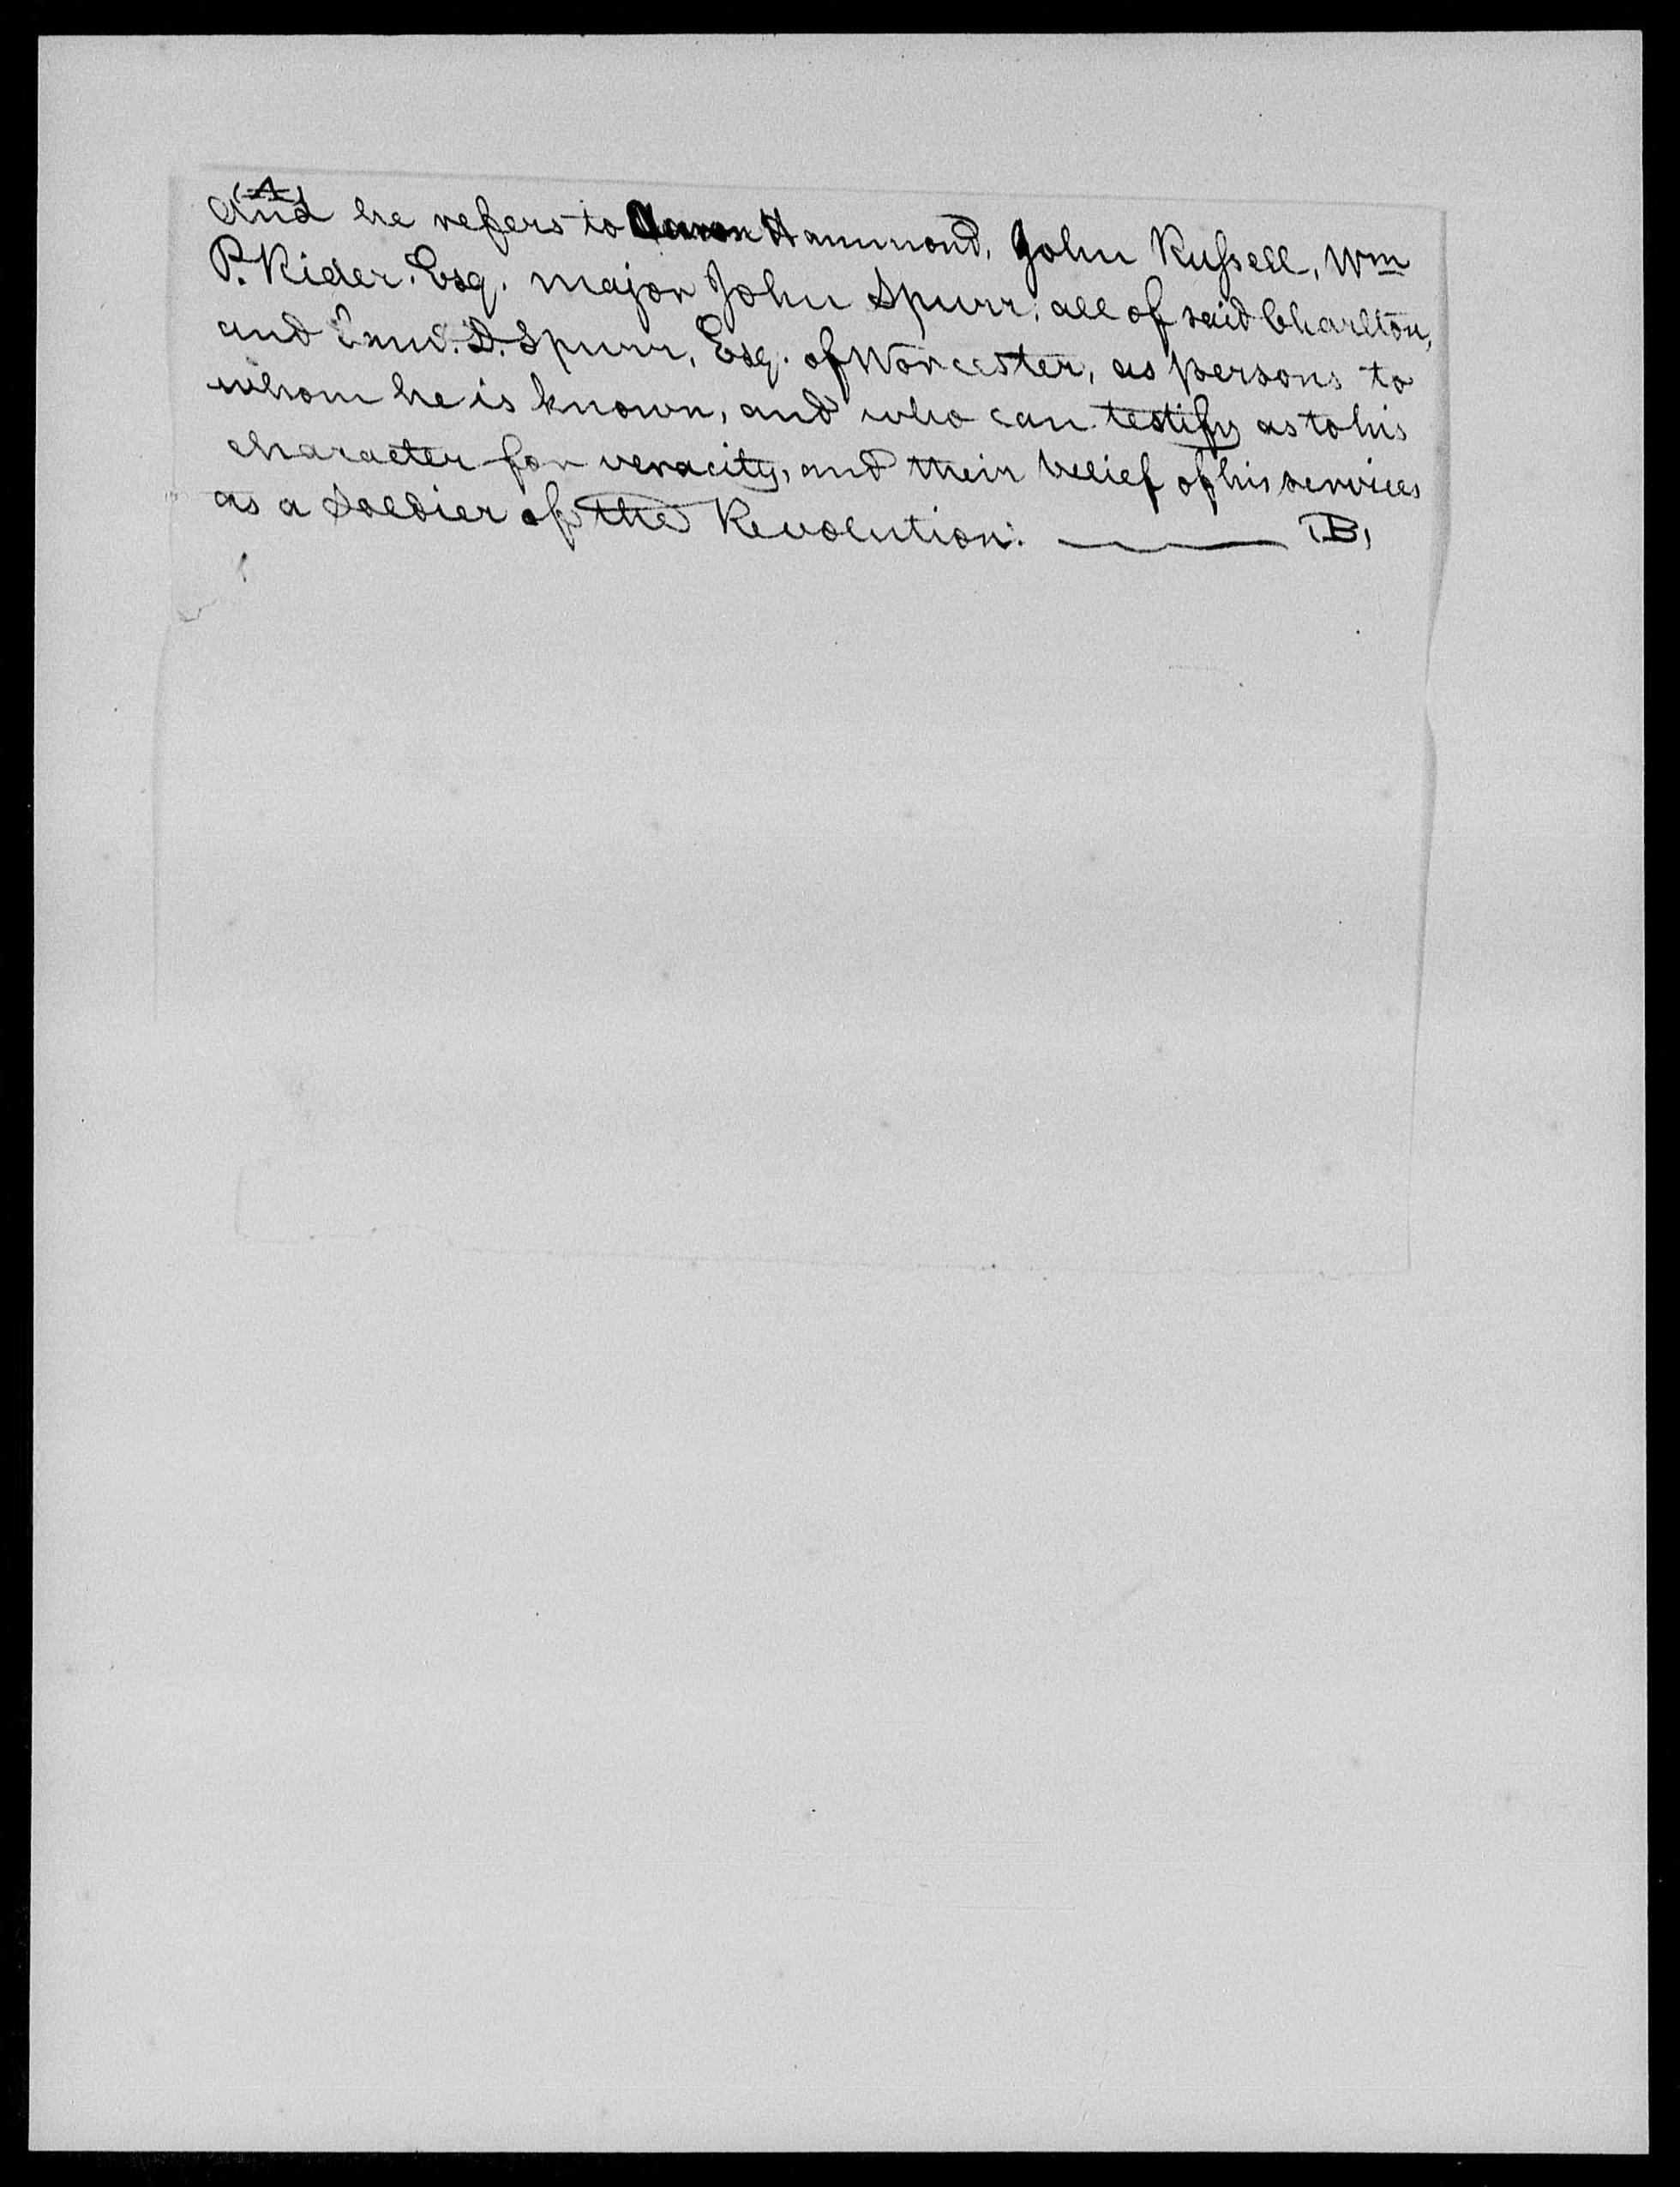(A)
And he refers to Aaron Hammond, John Russell, Wm P. Rider, Esq. Major John Spurr, all of said Charlton, and Saml. D. Spurr, Esq. of Worcester, as persons to whom he is known, and who can testify as to his character for veracity, and their belief of his services as a soldier of the Revolution:  ---  (B)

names: Aaron Hammond, Wm P Rider, John Spurr, Saml D Spurr, John Russell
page: 23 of 35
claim: survivor's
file: S. 18374, Nathan Dexter, R.I.